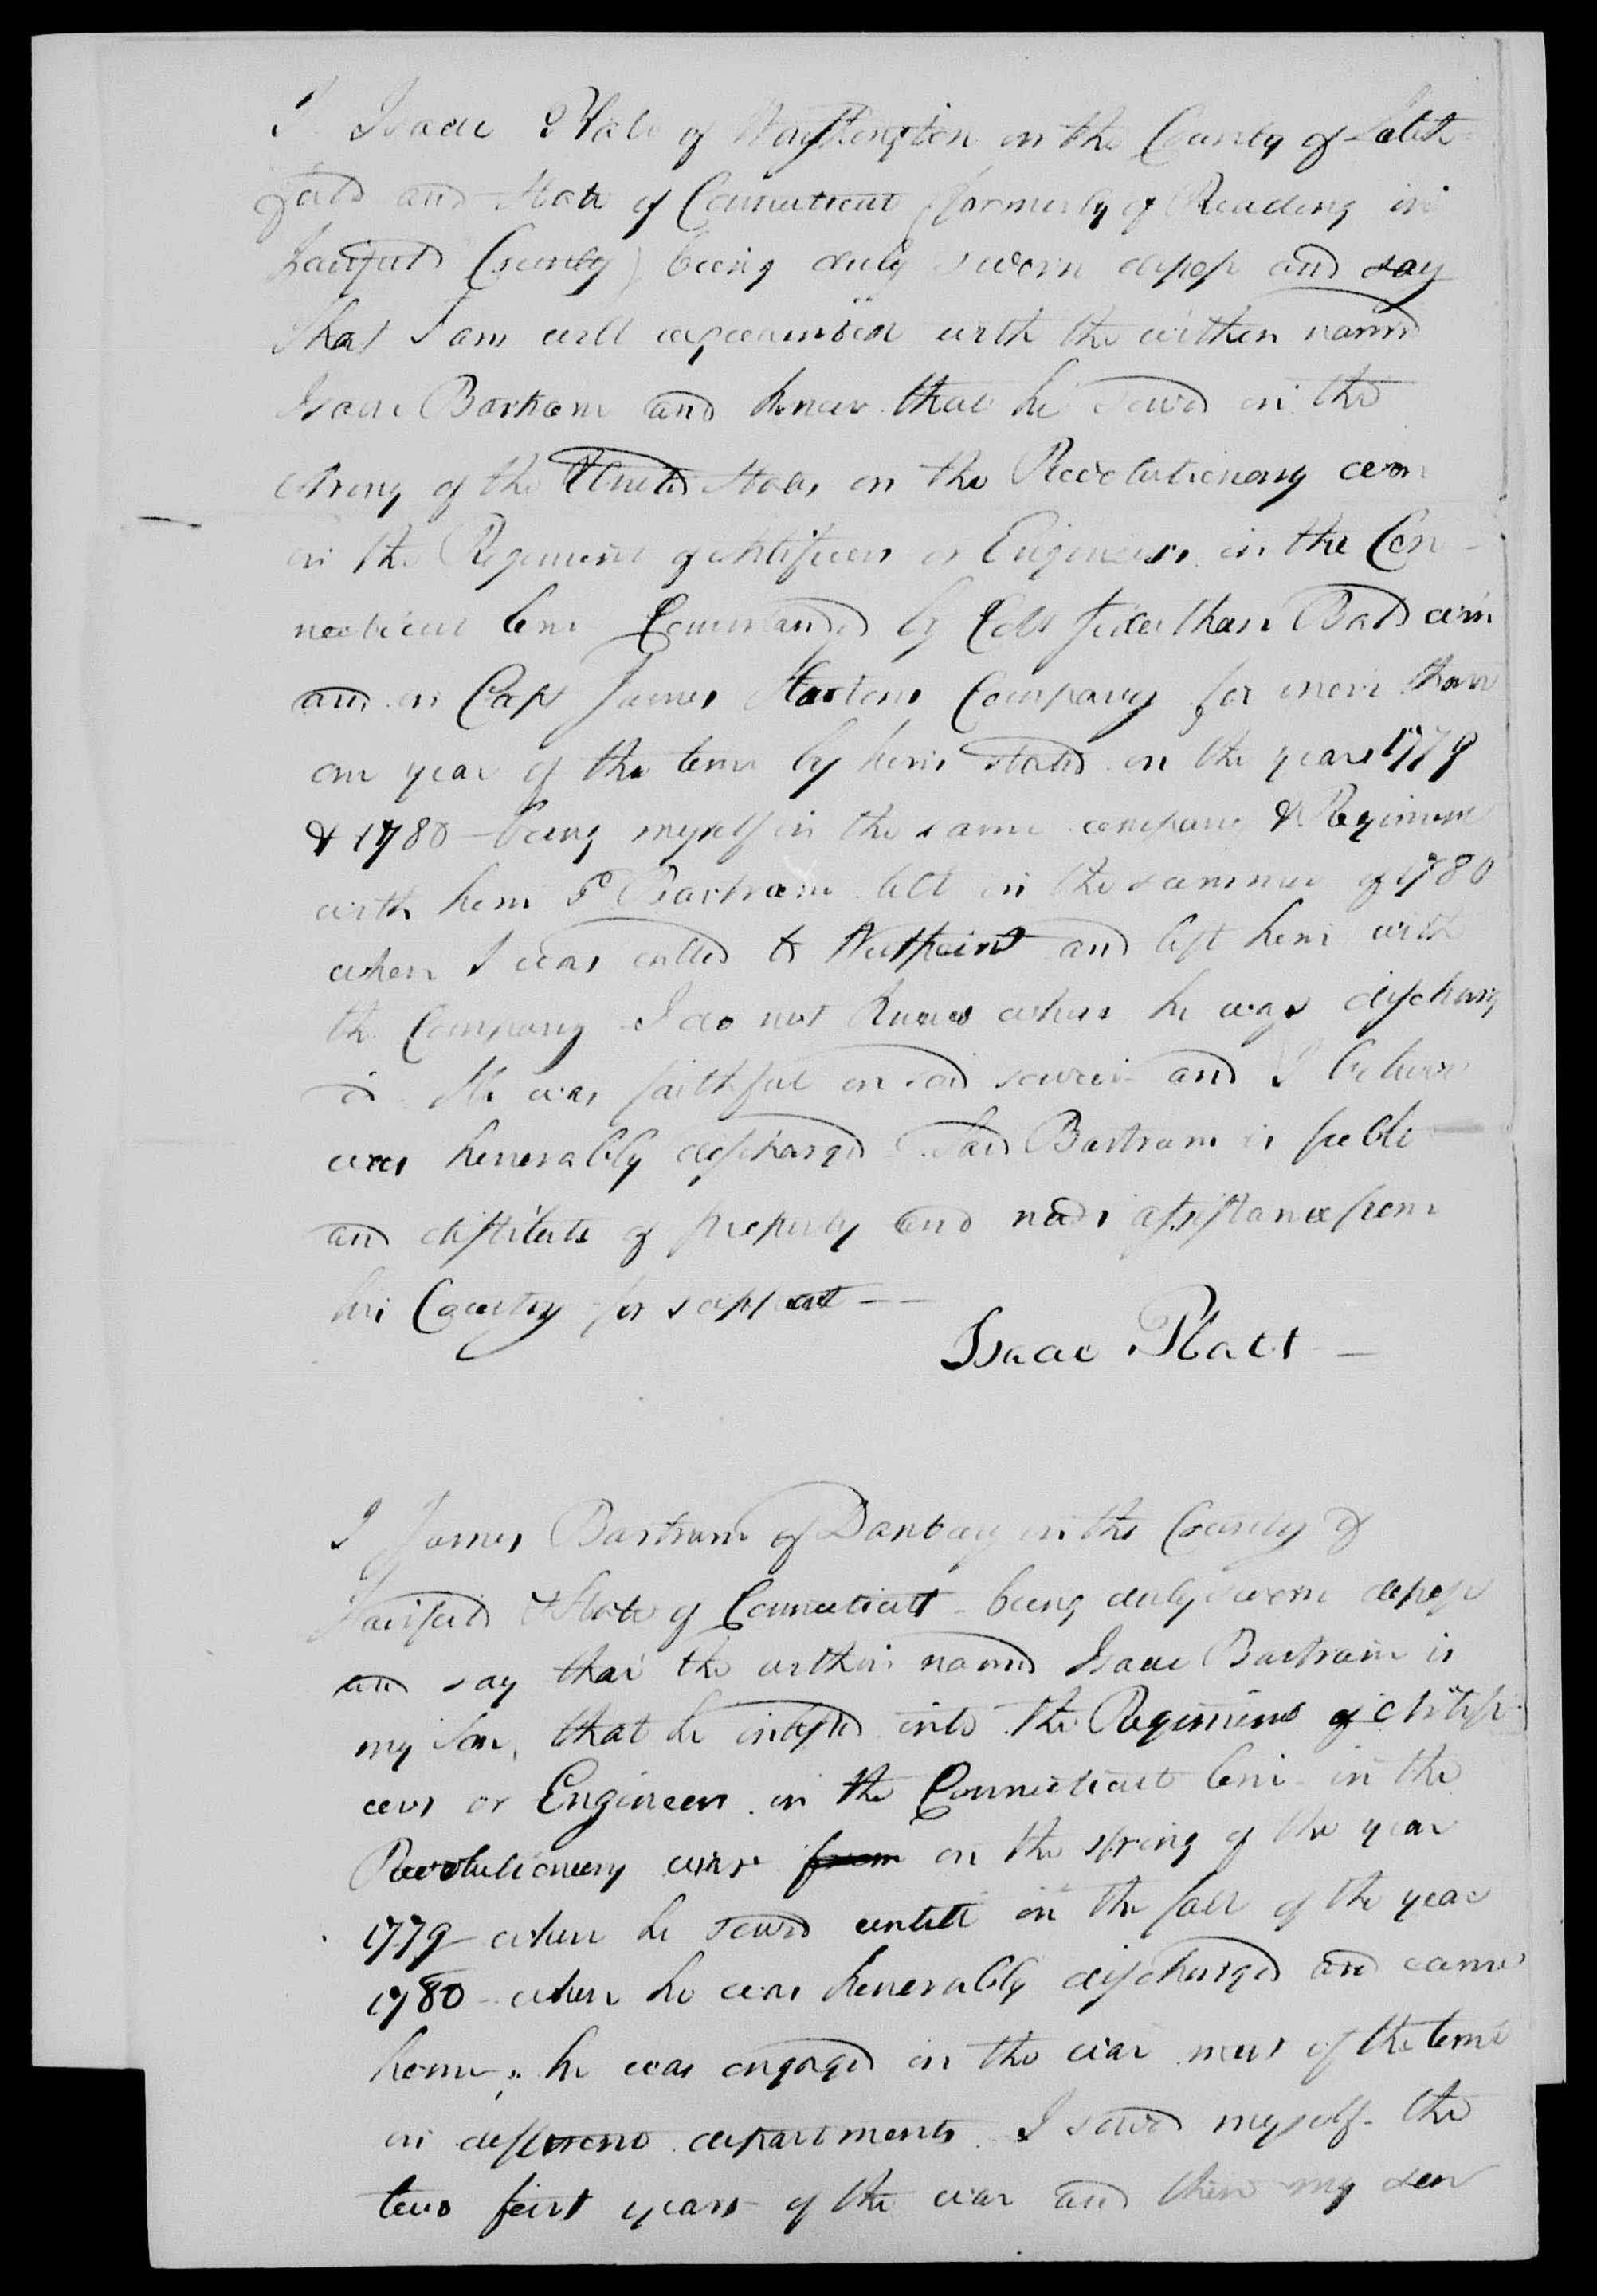I Isaac Platt of Washington in the County of latchfeild and State of Connecticut formerly of Reading in
Fairfield County being duly sworn depose and say
That I am well acquainted  with the within named
Isaac Bartram and know that he served in the
Army of the United States in the Revolutionary war
in the Regiment of artificers or Enginers in the Connecticut line Commanded by Col Jeduthan Baldwin
and in Capt James Hortons Company for more than
one year of the time by him stated in the year 1779
& 1780 being myself in the same company & Regiment
with him sd Bartram all in the summer of 1780
when I was called to Westpoint and left him with
the Company I do not know where he was discharge
& he was faithful in sd service and I believe
was honorably discharged sd Bartram is feeble
and destitute of property and needs assistance from
his Country for support
Isaac Platt

I James Bartram of Danbury in the County of
Fairfield & State of Connecticutt being duly sworn depose
and say that the within named Isaac Bartram is
my son that he inlisted into the Regiment of artificers
or Engineers in the Connecticut line in the
Revolutionary war in the spring of the year
1779 where he served untill in the fall of the year
1780 when he was generally discharged and came
home, he was engaged in the war most  of the time
in different departments I served myself the
two first years of the war and then my son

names: P Bartram, James Bartram, Isaac Platt, Isaac Bartow, Jeduthan Baldwin, Bartram, Isaac Bartram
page: 5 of 39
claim: survivor's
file: S. 12110, Isaac Bartram, Continental (Conn)